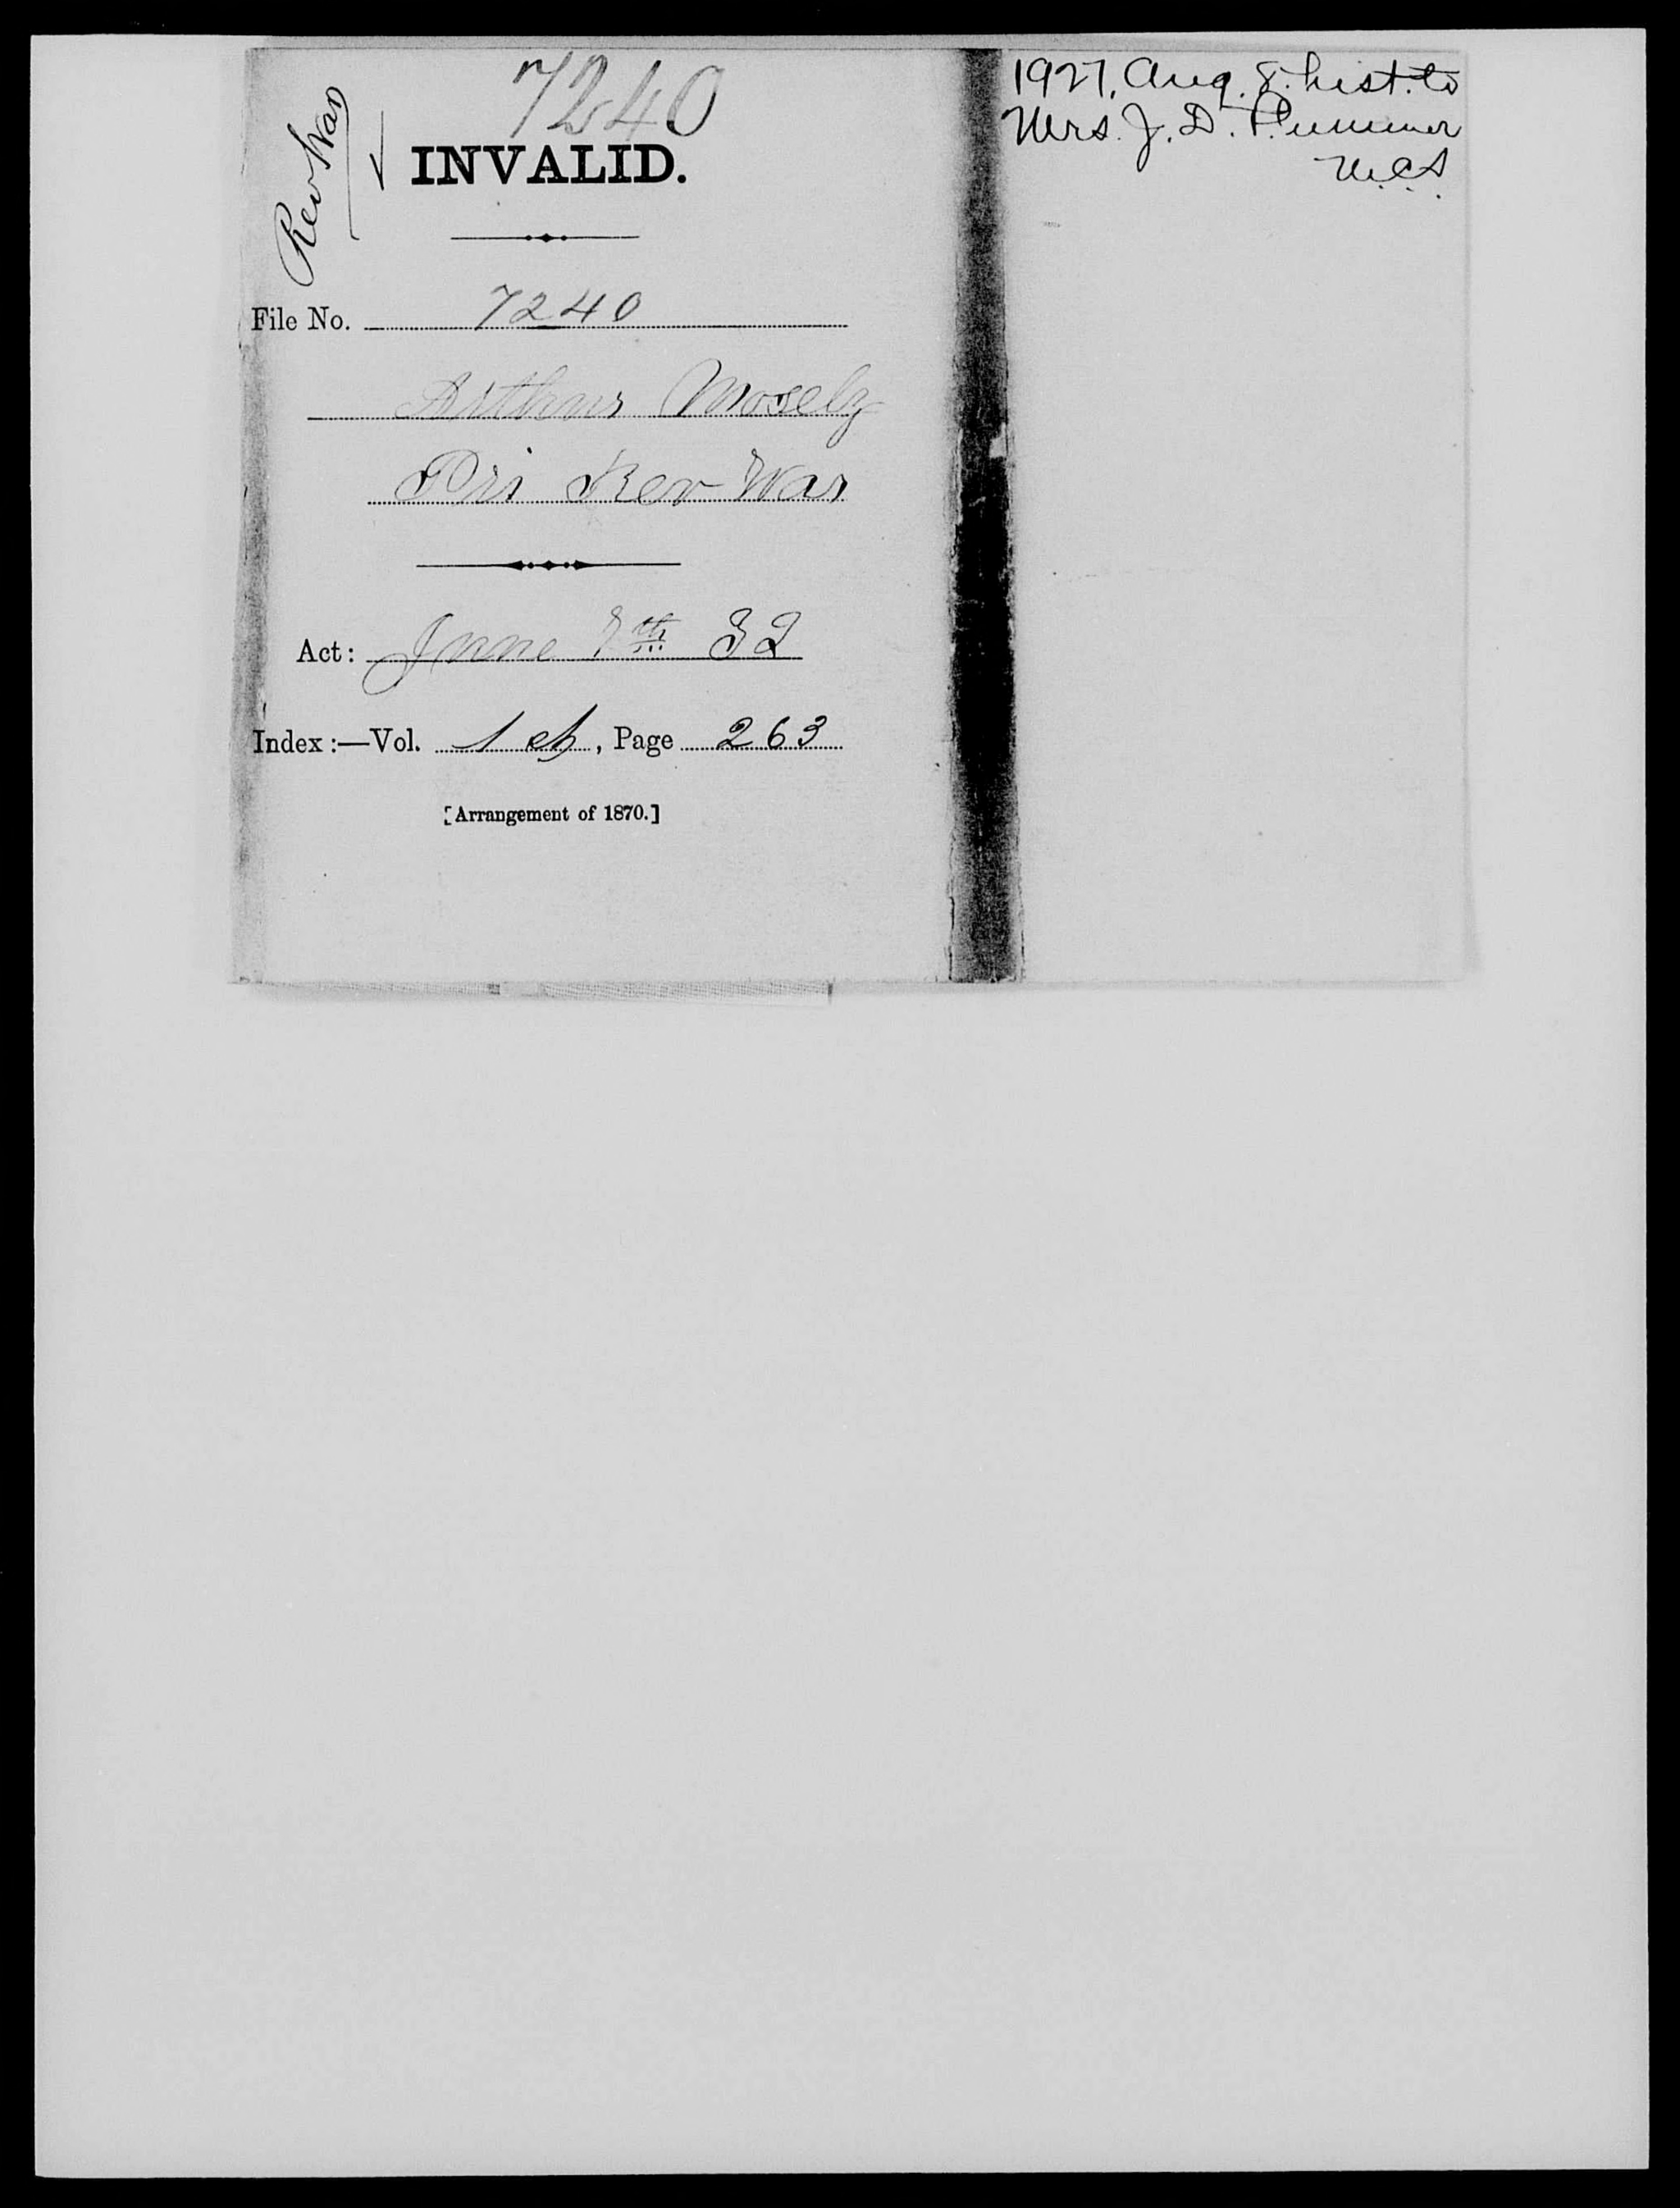1927. Aug. 8. Hist. to
Mrs. J. D. Plummer

7240
Rev War
Invalid

File No. 7240
Arthur Mosely [Moseley]
U.S.A.
Pri Rev War
Act:  June 7th 32
Index: -- Vol. [illegible], Page 263
[Arrangement of 1870]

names: J D Plummer; Arthur Moseby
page: 13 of 21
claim: survivor's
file: S. 7240, for Arthur Moseley, Virginia